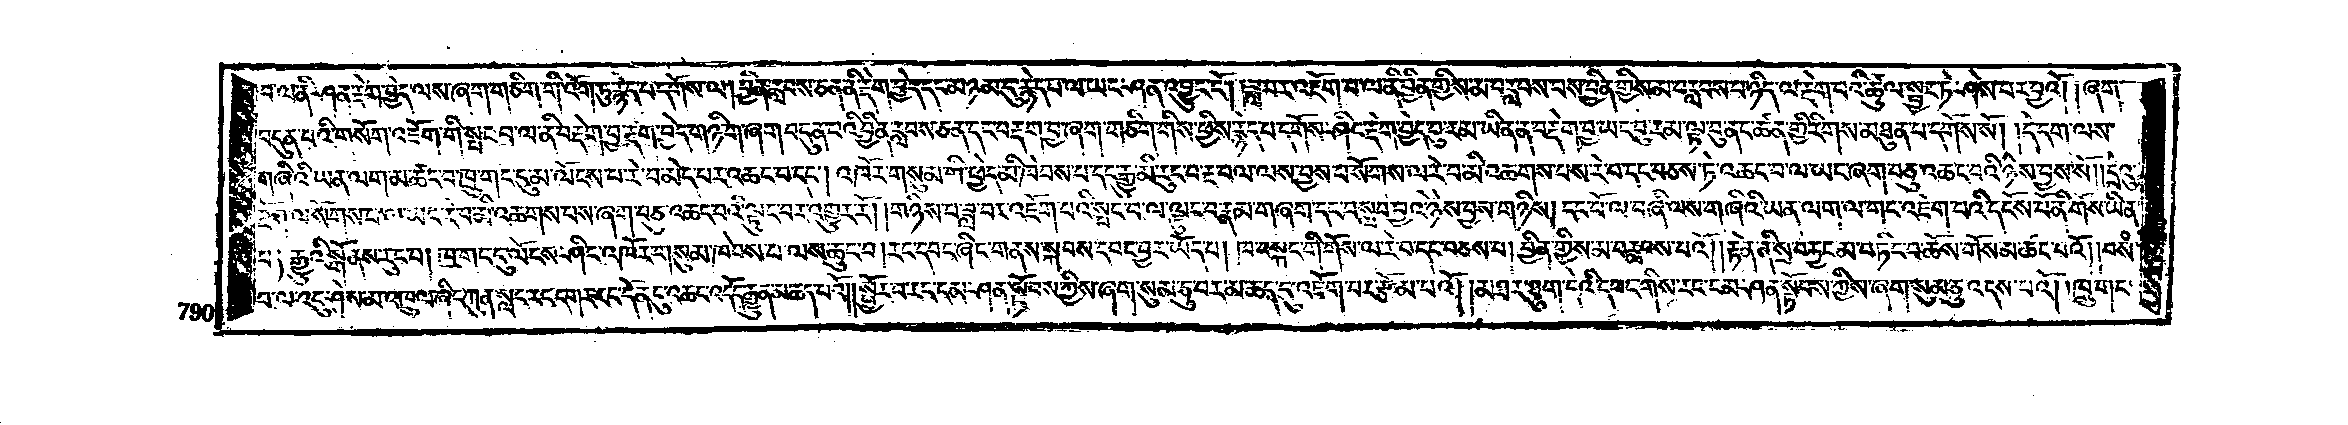བ་ལ་ནི་ཤན་རྡོག་བྱེད་ལས་ཞག་གཅིག་གི་འོག་ཏུ་རྙེད་པ་དགོས་ལ། བྱིན་རླབས་ཅན་ནི་རྡེག་བྱེད་དང་མཉམ་དུ་རྙེད་པ་ལ་ཡང་ཤན་འབྱུང་ངོ། །ཟླ་བར་འཇོག་པ་ལ་ནི་བྱིན་གྱིས་མ་བརླབས་པས་བྱིན་གྱིས་མ་བརླབས་པ་ཉིད་ལ་རྡེག་པའི་ཚུལ་སྦྱར་ཏེ་ཤེས་པར་བྱའོ། །ཞག་
བདུན་པའི་གསོག་འཇོག་གི་སྤང་བ་ལ་ནི་བརྡེག་བྱ་རྡོག་བྱེད་གཉི་ག་ཞག་བདུན་པའི་བྱིན་རླབས་ཅན་དང་བརྡག་བྱ་ཞག་གཅིག་གིས་ཕྱིས་རྙེད་པ་དགོས་ཤིང་རྡེག་བྱེད་བུ་རམ་ཡིན་ན་བརྡེག་བྱ་ཡང་བུ་རམ་ལྟ་བུ་ནང་ཚན་གྱི་རིགས་མཐུན་པ་དགོས་སོ། །དེ་དག་ལས་
གཞིའི་ཡན་ལག་མ་ཚང་བ་ཁྲུ་གང་དུ་མ་ལོངས་པ་རེ་བ་མེད་པར་འཆང་བ་དང་། འཁོར་གསུམ་གྱི་ཕྱེད་མི་ཁེབས་པ་དང་རྒྱུ་མི་རུང་བ་རྔ་བ་ལ་ལས་བྱས་པ་སོགས་ལ་རེ་བ་མི་འཆགས་པས་རེ་བ་དང་བཅས་ཏེ་འཆང་བ་ལ་ཡང་ཞག་བཅུ་འཆང་བའི་ཉེས་བྱས་སོ། །དྲིའུ་
ཐོག་ལ་སོགས་པ་ལ་ཡང་རེ་བ་མི་འཆགས་པས་ཞག་བཅུ་འཆང་བའི་ལྟུང་བར་འགྱུར་རོ། །གཉིས་པ་ཟླ་བར་འཇོག་པའི་སྤང་བ་ལ་ལྟུང་བ་རྣམ་གཞག་དང་བསླབ་བྱའི་ཉེས་བྱས་གཉིས། དང་པོ་ལ་བཞི་ལས་གཞིའི་ཡན་ལག་ལ་གང་འཇོག་པའི་དངོས་པོ་ནི་གོས་ཡིན་
པ། རྒྱུའི་སྒོ་ནས་རུང་བ། ཁྲུ་གང་དུ་ལོངས་ཤིང་འཁོར་གསུམ་ཁེབས་པ་ལས་ཆུང་བ། རང་དབང་ཞིང་གནས་སྐབས་དབང་བྱར་ཡོད་པ། ཁ་བསྐང་གི་གོས་ལ་རེ་བ་དང་བཅས་པ། བྱིན་གྱིས་མ་བརླབས་པའོ། །རྟེན་ནི་སྲ་བརྐྱང་མ་བཏིང་བ་ཆོས་གོས་མ་ཚང་པའོ། །བསམ་
པ་ལ་འདུ་ཤེས་མ་འཁྲུལ་ཞིང་ཀུན་སླང་རང་དགར་རང་དོན་དུ་འཆང་འདོད་རྒྱུན་མ་ཆད་པའོ། །སྦྱོར་བ་རང་ངམ་ཤན་སྟོབས་ཀྱིས་ཞག་སུམ་ཅུ་བར་མ་ཆད་དུ་འཇོག་པར་རྩོམ་པའོ། །མཐར་ཐུག་དེའི་དབང་གིས་རང་ངམ་ཤན་སྟོབས་ཀྱིས་ཞག་སུམ་ཅུ་འདས་པའོ། །ཁྲུ་གང་